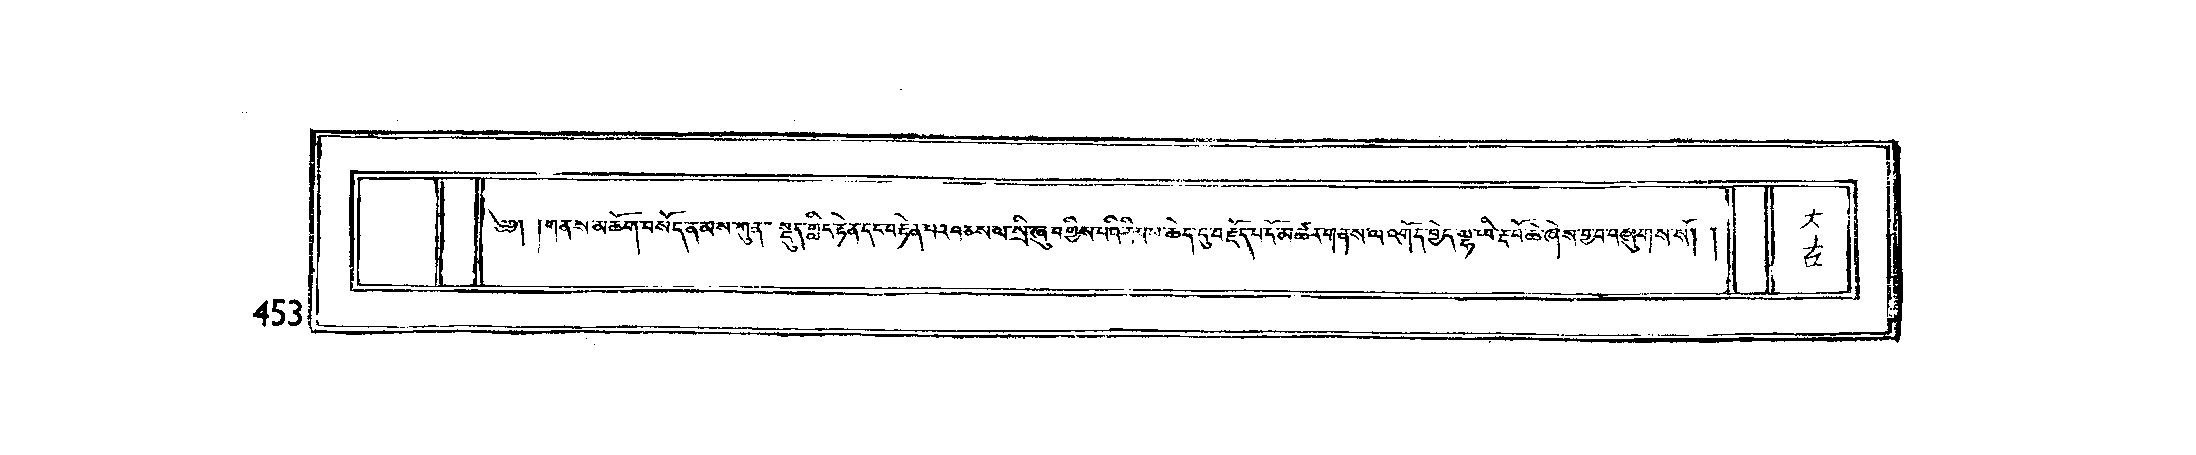༄༅། །གནས་མཆོག་བསོད་ནམས་ཀུན་སྡུད་གླིང་རྟེན་དང་བརྟེན་པར་བཅས་ལ་སྲི་ཞུ་བགྱིས་པའི་རིམ་པ་ཆེད་དུ་བརྗོད་པ་ངོ་མཚར་གནས་ལ་འགོད་བྱེད་ལྷ་ཡི་རྔ་བོ་ཆེ་ཞེས་བྱ་བ་བཞུགས་སོ། །